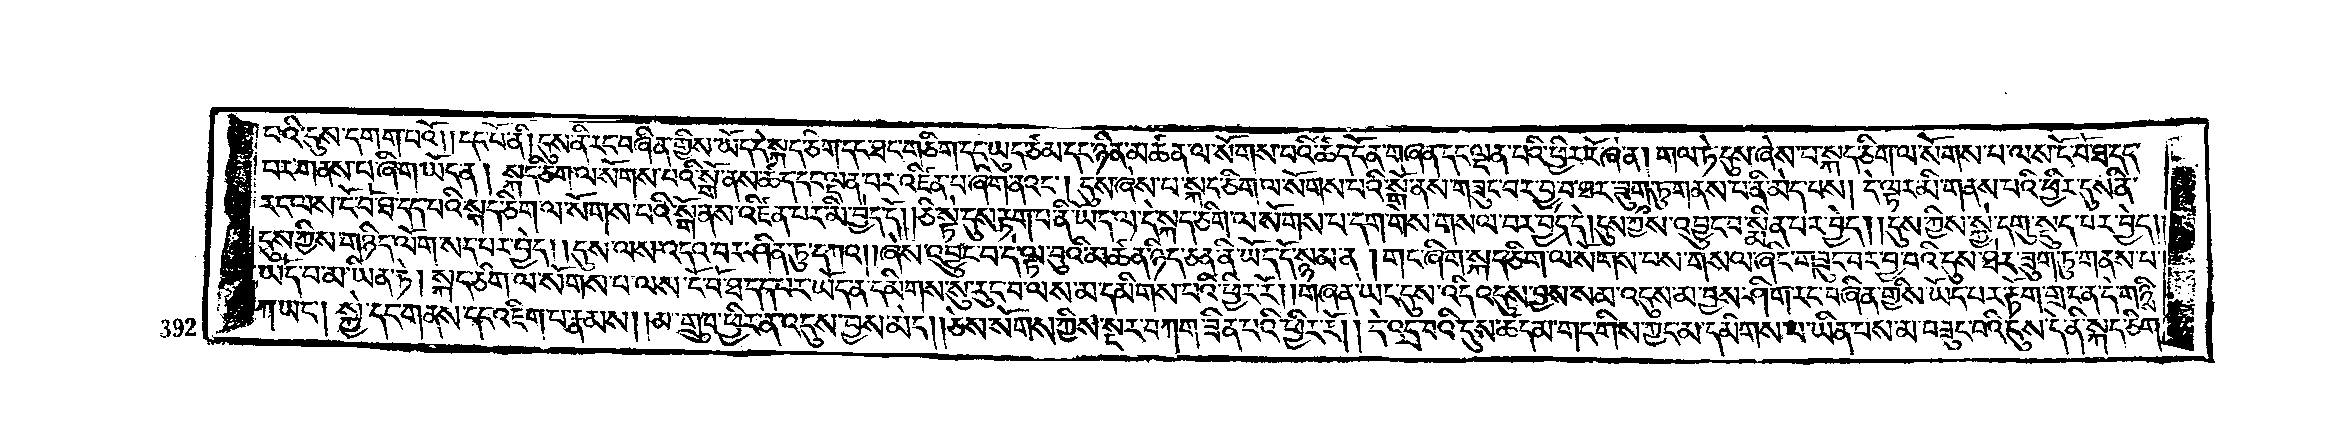པའི་དུས་དགག་པའོ། །དང་པོ་ནི། དུས་ནི་རང་བཞིན་གྱིས་ཡོད་དེ་སྐད་ཅིག་དང་ཐང་གཅིག་དང་ཡུད་ཙམ་དང་ཉིན་མཚན་ལ་སོགས་པའི་ཚད་དོན་གཞན་དང་ལྡན་པའི་ཕྱིར་རོ་ཞེ་ན། གལ་ཏེ་དུས་ཞེས་པ་སྐད་ཅིག་ལ་སོགས་པ་ལས་ངོ་བོ་ཐ་དད་
པར་གནས་པ་ཞིག་ཡོད་ན། སྐད་ཅིག་ལ་སོགས་པའི་སྒོ་ནས་ཚད་དང་ལྡན་པར་འཛིན་པ་ཞིག་ནའང་། དུས་ཞེས་པ་སྐད་ཅིག་ལ་སོགས་པའི་སྒོ་ནས་གཟུང་བར་བྱ་བ་ཐར་ཟུག་ཏུ་གནས་པ་ནི་མེད་པས། དེ་ལྟར་མི་གནས་པའི་ཕྱིར་དུས་ནི་
རང་ལས་ངོ་བོ་ཐ་དད་པའི་སྐད་ཅིག་ལ་སོགས་པའི་སྒོ་ནས་འཛིན་པར་མི་བྱེད་དོ། །ཅི་སྟེ་དུས་རྟག་པ་ནི་ཡོད་ལ་དེ་སྐད་ཅིག་ལ་སོགས་པ་དག་གིས་གསལ་བར་བྱེད་དེ། དུས་ཀྱིས་འབྱུང་བ་སྨིན་པར་བྱེད། །དུས་ཀྱིས་སྐྱེ་དགུ་སྡུད་པར་བྱེད། །
དུས་ཀྱིས་གཉིད་ལོག་སད་པར་བྱེད། །དུས་ལས་འདའ་བར་ཤིན་ཏུ་དཀའ། །ཞེས་འབྱུང་བ་དེ་ལྟ་བུའི་མཚན་ཉིད་ཅན་ནི་ཡོད་དོ་སྙམ་ན། གང་ཞིག་སྐད་ཅིག་ལ་སོགས་པས་གསལ་ཞིང་གཟུང་བར་བྱ་བའི་དུས་ཐེར་ཟུག་ཏུ་གནས་པ་
ཡོད་པ་མ་ཡིན་ཏེ། སྐད་ཅིག་ལ་སོགས་པ་ལས་ངོ་བོ་ཐ་དད་པར་ཡོད་ན་དམིགས་སུ་རུང་བ་ལས་མ་དམིགས་པའི་ཕྱིར་རོ། །གཞན་ཡང་དུས་འདི་འདུས་བྱས་སམ་འདུས་མ་བྱས་ཤིག་རང་བཞིན་གྱིས་ཡོད་པར་རྟོག་གྲང་ན་དེ་གཉིས་
ཀ་ཡང་། སྐྱེ་དང་གནས་དང་འཇིག་པ་རྣམས། །མ་གྲུབ་ཕྱིར་ན་འདུས་བྱས་མེད། །ཅེས་སོགས་ཀྱིས་སྔར་བཀག་ཟིན་པའི་ཕྱིར་རོ། །དེ་འདྲ་བའི་དུས་ཚད་མ་གང་གིས་ཀྱང་མ་དམིགས་པ་ཡིན་པས་མ་བཟུང་བའི་དུས་དེ་ནི་སྐད་ཅིག་